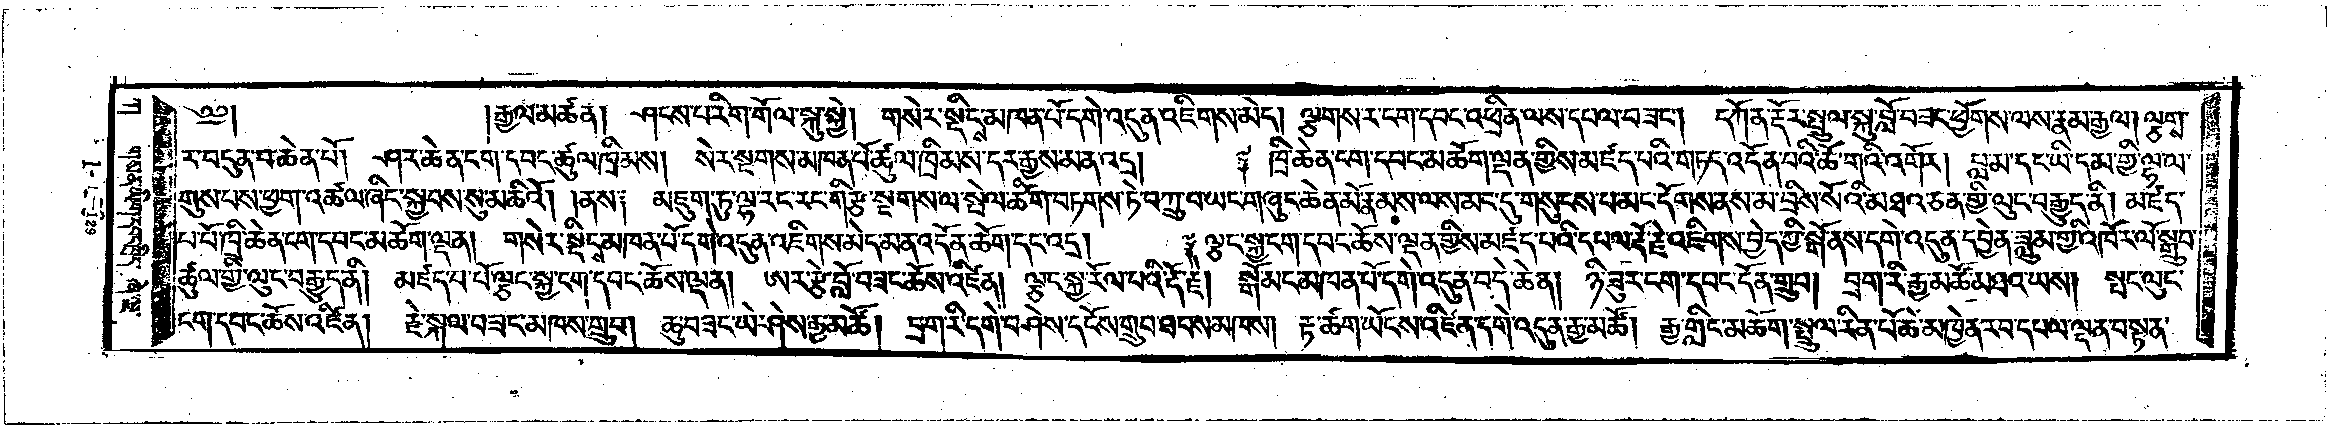༄༅། །རྒྱལ་མཚན། ཤངས་བ་རིག་གོལ་སྐུ་སྐྱེ། གསེར་སྡིངས་མཁན་པོ་དགེ་འདུན་འཇིགས་མེད། ལྕགས་ར་ངག་དབང་འཕྲིན་ལས་དཔལ་བཟང་། དཀོན་རྡོར་སྤྲུལ་སྐུ་བློ་བཟང་ཕྱོགས་ལས་རྣམ་རྒྱལ། ལྕགས་
ར་བདུན་བ་ཆེན་པོ། ཤར་ཆེན་ངག་དབང་ཚུལ་ཁྲིམས། སེར་སྔགས་མཁན་པོ་ཚུལ་ཁྲིམས་དར་རྒྱས་མན་འདྲ། ༈ ཁྲི་ཆེན་ངག་དབང་མཆོག་ལྡན་གྱིས་མཛད་པའི་གཏད་འདོན་པའི་ཆོ་གའི་འགོར། བླ་མ་དང་ཡི་དམ་གྱི་ལྷ་ལ་
གུས་པས་ཕྱག་འཚལ་ཞིང་སྐྱབས་སུ་མཆིའོ། །ནས༑ མཇུག་ཏུ་ལྷ་རང་རང་གི་རྩ་སྔགས་ལ་སྤེལ་ཚིག་བཏགས་ཏེ་བཀྲུ་བ་ཡང་གཞུང་ཆེན་མོ་རྣམས་ལས་མང་དུ་གསུངས་བ་མང་དོགས་ནས་མ་བྲིས་སོའི་མཐའ་ཅན་གྱི་ལུང་བརྒྱུད་ནི། མཛད་
པ་པོ་ཁྲི་ཆེན་ངག་དབང་མཆོག་ལྡན། གསེར་སྡིངས་མཁན་པོ་དགེ་འདུན་འཇིགས་མེད་མན་འདོན་ཆོག་དང་འདྲ། ༈ ལྕང་སྐྱ་ངག་དབང་ཆོས་ལྡན་གྱིས་མཛད་པའི་དཔལ་རྡོ་རྗེ་འཇིགས་བྱེད་ཀྱི་སྒོ་ནས་དགེ་འདུན་དབྱེན་ཟླུམ་གྱི་འཁོར་ལོ་སྒྲུབ་
ཚུལ་གྱི་ལུང་བརྒྱུད་ནི། མཛད་པ་པོ་ལྕང་སྐྱ་ངག་དབང་ཆོས་ལྡན། ཨར་རྩེ་བློ་བཟང་ཆོས་འཛིན། ལྕང་སྐྱ་རོལ་པའི་རྡོ་རྗེ། སྒོ་མང་མཁན་པོ་དགེ་འདུན་བདེ་ཆེན། ཉི་ཟུར་ངག་དབང་དོན་གྲུབ། བྲག་རི་རྒྱ་མཚོ་མཐའ་ཡས། སྤང་ལུང་
ངག་དབང་ཆོས་འཛིན། རྗེ་སྐལ་བཟང་མཁས་གྲུབ། ཆུ་བཟང་ཡེ་ཤེས་རྒྱ་མཚོ། བྲག་རི་དགེ་བཤེས་དངོས་གྲུབ་ཐབས་མཁས། རྟ་ཚག་ཡོངས་འཛིན་དགེ་འདུན་རྒྱ་མཚོ། རྒྱ་གླིང་མཆོག་སྤྲུལ་རིན་པོ་ཆེ་མཁྱེན་རབ་དཔལ་ལྡན་བསྟན་